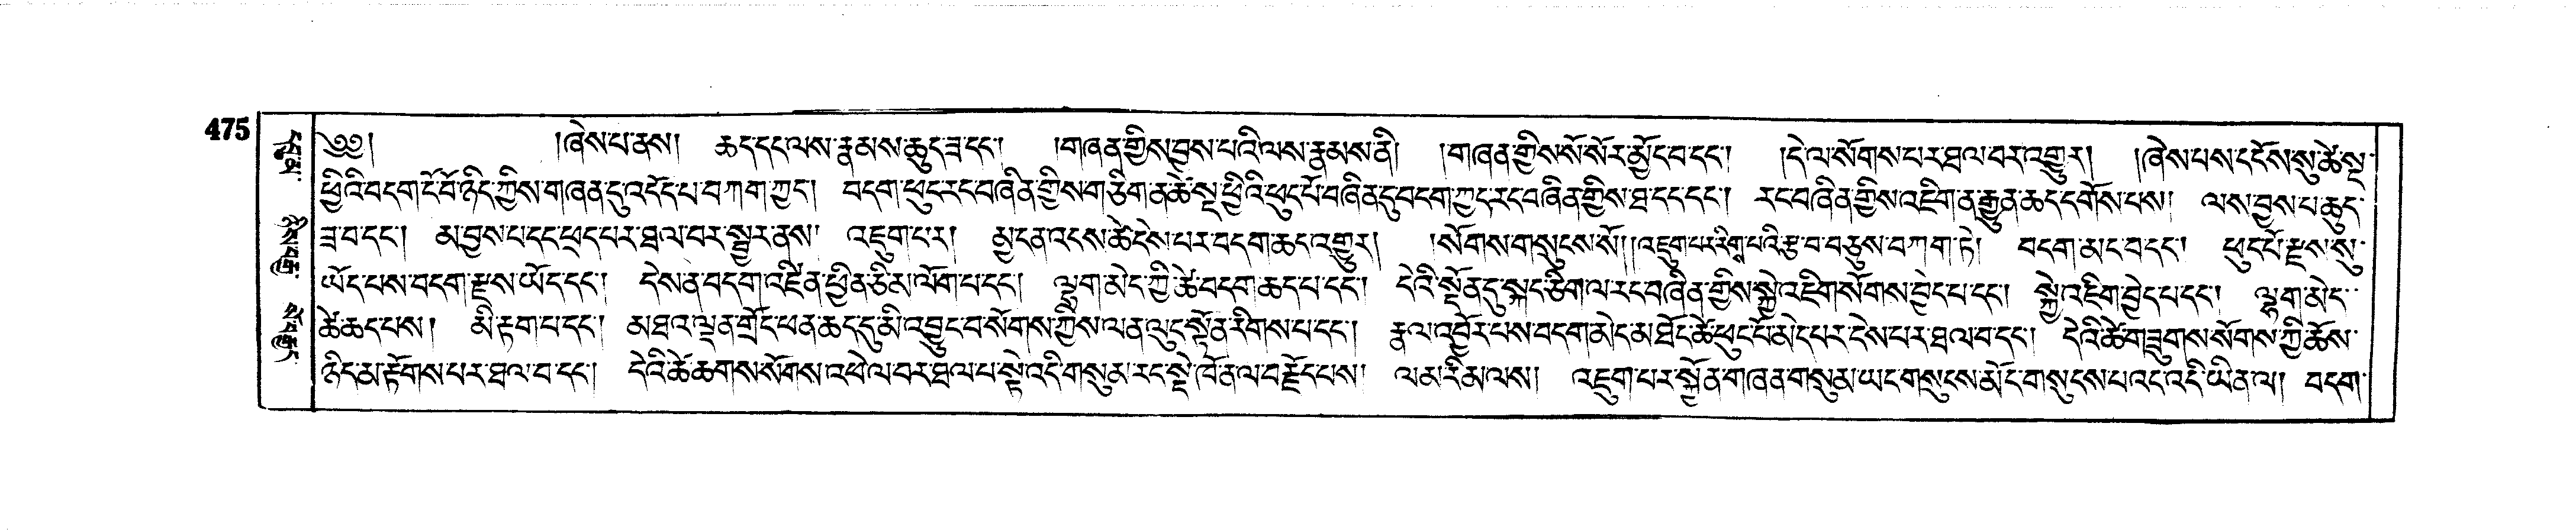༄༅། །ཞེས་པ་ནས། ཆད་དང་ལས་རྣམས་ཆུད་ཟ་དང་། །གཞན་གྱིས་བྱས་པའི་ལས་རྣམས་ནི། །གཞན་གྱིས་སོ་སོར་མྱོང་བ་དང་། །དེ་ལ་སོགས་པར་ཐལ་བར་འགྱུར། །ཞེས་པས་དངོས་སུ་ཚེ་སྔ་
ཕྱིའི་བདག་ངོ་བོ་ཉིད་ཀྱིས་གཞན་དུ་འདོད་པ་བཀག་ཀྱང་། བདག་ཕུང་རང་བཞིན་གྱིས་གཅིག་ན་ཚེ་སྔ་ཕྱིའི་ཕུང་པོ་བཞིན་དུ་བདག་ཀྱང་རང་བཞིན་གྱིས་ཐ་དད་དང་། རང་བཞིན་གྱིས་འཇིག་ན་རྒྱུན་ཆད་དགོས་པས། ལས་བྱས་པ་ཆུད་
ཟ་བ་དང་། མ་བྱས་པ་དང་ཕྲད་པར་ཐལ་བར་སྦྱར་ནས། འཇུག་པར། མྱ་ངན་འདས་ཚེ་དེས་པར་བདག་ཆད་འགྱུར། །སོགས་གསུངས་སོ། །འཇུག་པར་རིགས་པའི་རྩ་བ་བཅུས་བཀག་ཏེ། བདག་མང་བ་དང་། ཕུང་པོ་རྫས་སུ་
ཡོད་པས་བདག་རྫས་ཡོད་དང་། དེས་ན་བདག་འཛིན་ཕྱིན་ཅི་མ་ལོག་པ་དང་། ལྷག་མེད་ཀྱི་ཚེ་བདག་ཆད་པ་དང་། དེའི་སྔོན་དུ་སྐད་ཅིག་ལ་རང་བཞིན་གྱིས་སྐྱེ་འཇིག་སོགས་བྱེད་པ་དང་། སྐྱེ་འཇིག་བྱེད་པ་དང་། ལྷག་མེད་
ཚེ་ཆད་པས། མི་རྟག་པ་དང་། མཐའ་ལྡན་གྲོང་ཕན་ཆད་དུ་མི་འབྱུང་བ་སོགས་ཀྱིས་ལན་ལུང་སྟོན་རིགས་པ་དང་། རྣལ་འབྱོར་པས་བདག་མེད་མཐོང་ཚེ་ཕུང་པོ་མེད་པར་ངེས་པར་ཐལ་བ་དང་། དེའི་ཚེ་གཟུགས་སོགས་ཀྱི་ཆོས་
ཉིད་མ་རྟོགས་པར་ཐལ་བ་དང་། དེའི་ཚེ་ཆགས་སོགས་འཕེལ་བར་ཐལ་པ་སྟེ་འདི་གསུམ་རང་སྡེ་ཁོ་ན་ལ་བརྗོད་པས། ལམ་རིམ་ལས། འཇུག་པར་སྐྱོན་གཞན་གསུམ་ཡང་གསུངས་མོད་གསུངས་པའང་འདི་ཡིན་ལ། བདག་